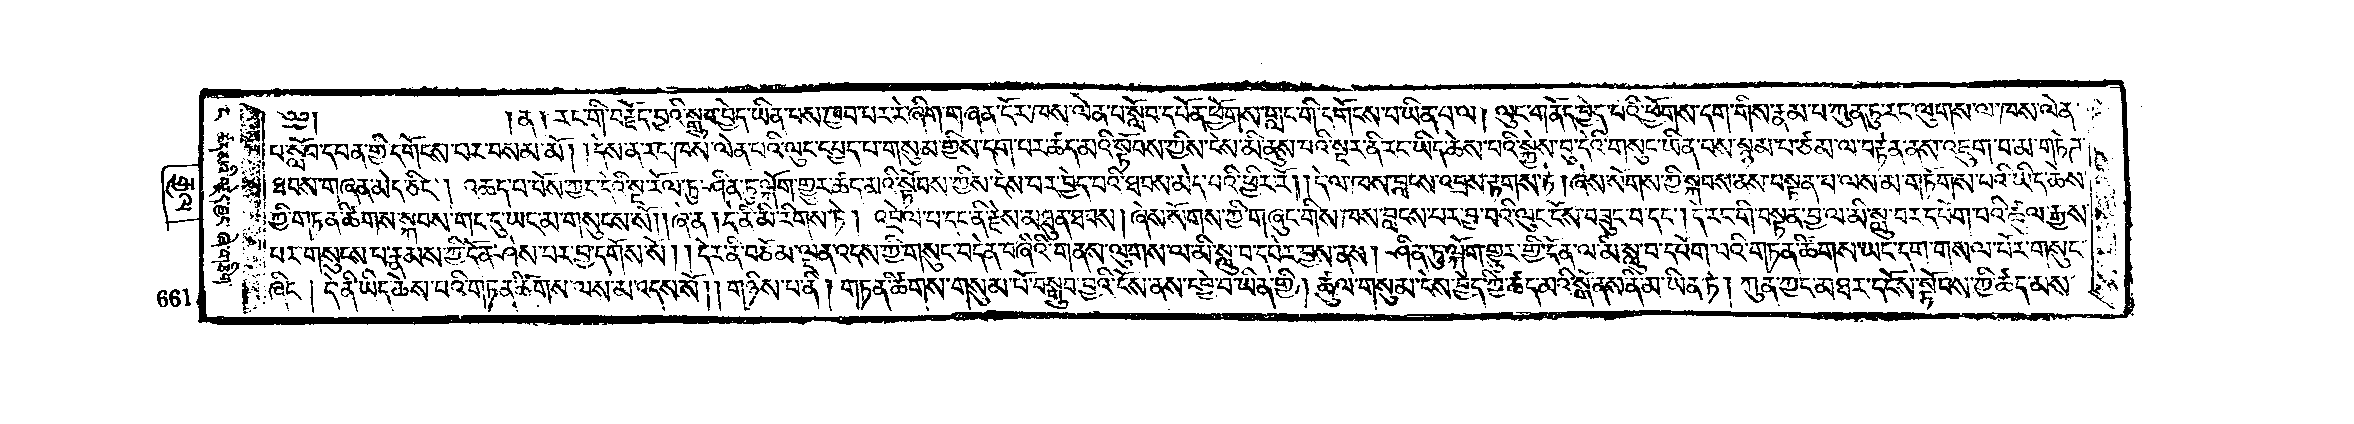༄༅། །ན༑ ༑རང་གི་བརྗོད་བྱའི་སྒྲུབ་བྱེད་ཡིན་པས་ཁྱབ་པར་རེ་ཞིག་གཞན་ངོར་ཁས་ལེན་པ་སློབ་དཔོན་ཕྱོགས་གླང་གི་དགོངས་པ་ཡིན་པ་ལ། ལུང་གནོད་བྱེད་པའི་ཕྱོགས་དག་གིས་རྣམ་པ་ཀུན་ཏུ་རང་ལུགས་ལ་ཁས་ལེན་
པ་སློབ་དཔོན་གྱི་དགོངས་པར་བསམ་མོ། །དེས་ན་རང་ཁས་ལེན་པའི་ལུང་དཔྱད་པ་གསུམ་གྱིས་དག་པར་ཚད་མའི་སྟོབས་ཀྱིས་ངེས་མི་ནུས་པའི་སྔར་ནི་རང་ཡིད་ཆེས་པའི་སྐྱེས་བུ་དེའི་གསུང་ཡིན་པས་སྙམ་པ་ཙམ་ལ་བརྟེན་ནས་འཇུག་པ་མ་གཏེགས་
ཐབས་གཞན་མེད་ཅིང་། འཆད་པ་པོས་ཀྱང་དེའི་ལྔ་རོལ་ཏུ་ཤིན་ཏུ་ལྐོག་གྱུར་ཚད་མའི་སྟོབས་ཀྱིས་ངེས་པར་བྱེ་དཔའི་ཐབས་མེད་པའི་ཕྱིར་རོ། །དེ་ལ་ཁས་བླངས་འབྲས་རྟགས་ཏེ། ཞེས་སོགས་ཀྱི་སྐབས་ནས་བསྟན་པ་ལས་མ་གཏོགས་པའི་ཡིད་ཆེས་
ཀྱི་གཏན་ཚིགས་སྐབས་གང་དུ་ཡང་མ་གསུངས་སོ། །ཞེ་ན། དེ་ནི་མི་རིགས་ཏེ། འབྲེལ་པ་དང་ནི་རྗེས་མཐུན་ཐབས། །ཞེས་སོགས་ཀྱི་གཞུང་གིས་ཁས་བླང་སྤར་བྱ་བའི་ལུང་ངོས་བཟུང་བ་དང་། དེ་རང་གི་བསྟན་བྱ་ལ་མི་སླུ་བར་དཔོག་པའི་ཚུལ་རྒྱས་
པར་གསུངས་པ་རྣམས་ཀྱི་དོན་ཤེས་པར་བྱ་དགོས་སོ། །དེར་ནི་བཅོམ་ལྡན་འདས་ཀྱི་གསུང་བདེན་བཞིའི་གནས་ལུགས་ལ་མི་སླུ་བ་དཔེར་བྱས་ནས། ཤིན་ཏུ་ལྐོག་གྱུར་གྱི་དོན་ལ་མི་སླུ་བ་དཔོག་པའི་གཏན་ཚིགས་ཡང་དག་གསལ་པོར་གསུང་
ཞིང་། དེ་ནི་ཡིད་ཆེས་པའི་གཏན་ཚིགས་ལས་མ་འདས་སོ། །གཉིས་པ་ནི། གཏན་ཚིགས་གསུམ་པོ་བསྒྲུབ་བྱའི་ངོས་ནས་དབྱེ་བ་ཡིན་གྱི་།ཚུལ་གསུམ་ངེས་བྱེད་ཀྱི་ཚད་མའི་སྒོ་ནས་ནི་མ་ཡིན་ཏེ། ཀུན་ཀྱང་མཐར་དངོས་སྟོབས་ཀྱི་ཚད་མས་